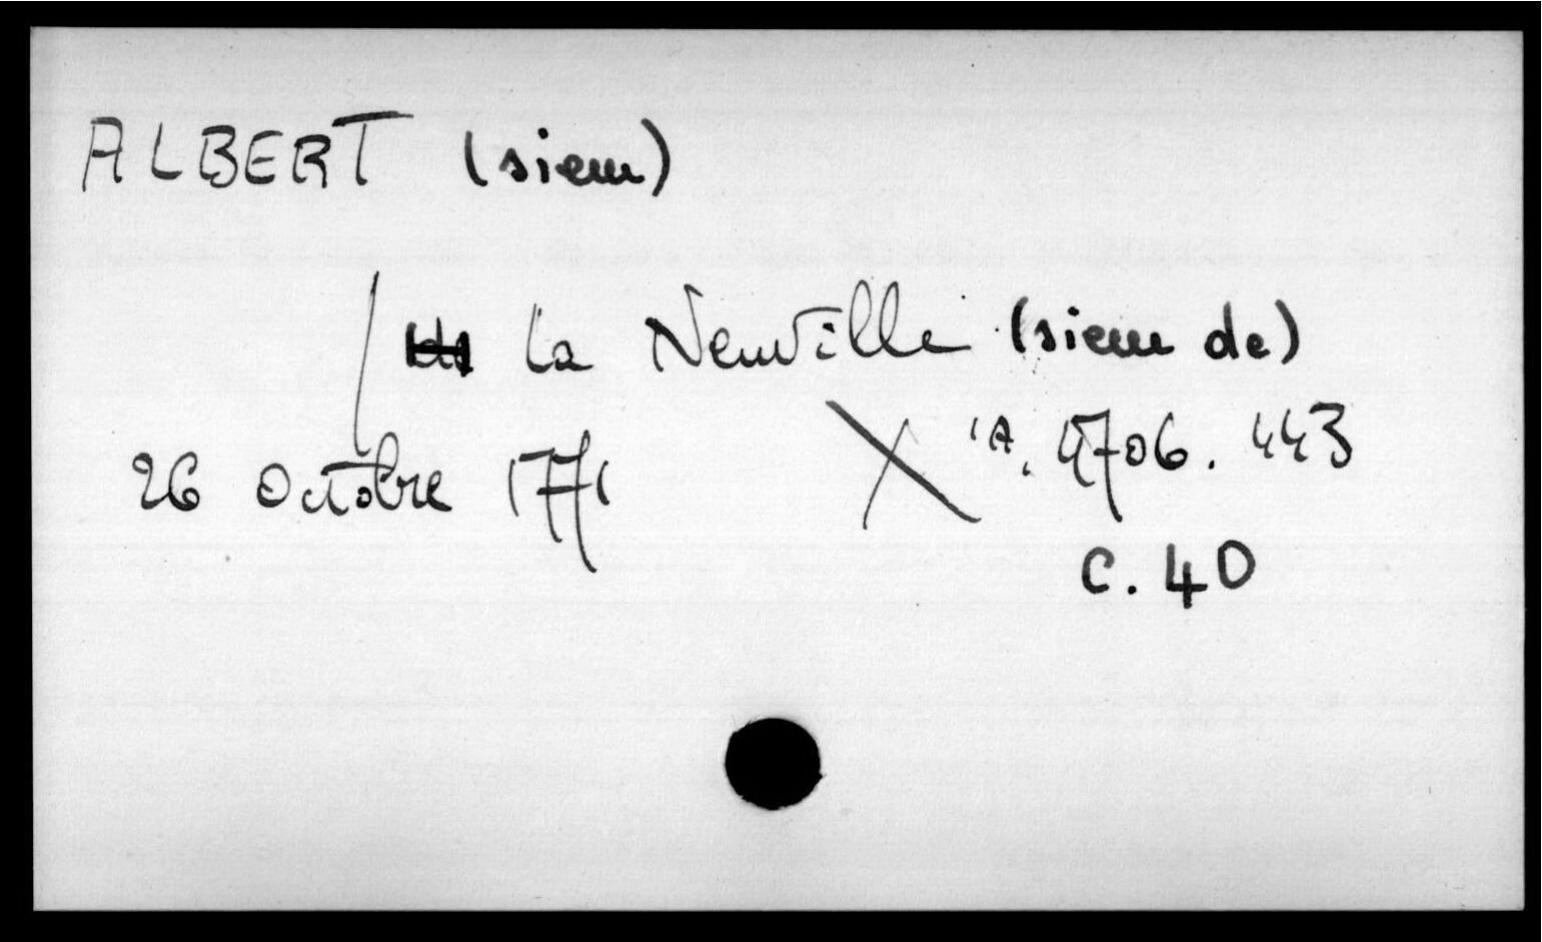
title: ALBERT (sieur)
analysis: Contre La Neuville (sieur de)
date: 26 octobre 1771
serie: X1A
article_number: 4706
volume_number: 443 Conseil 40
